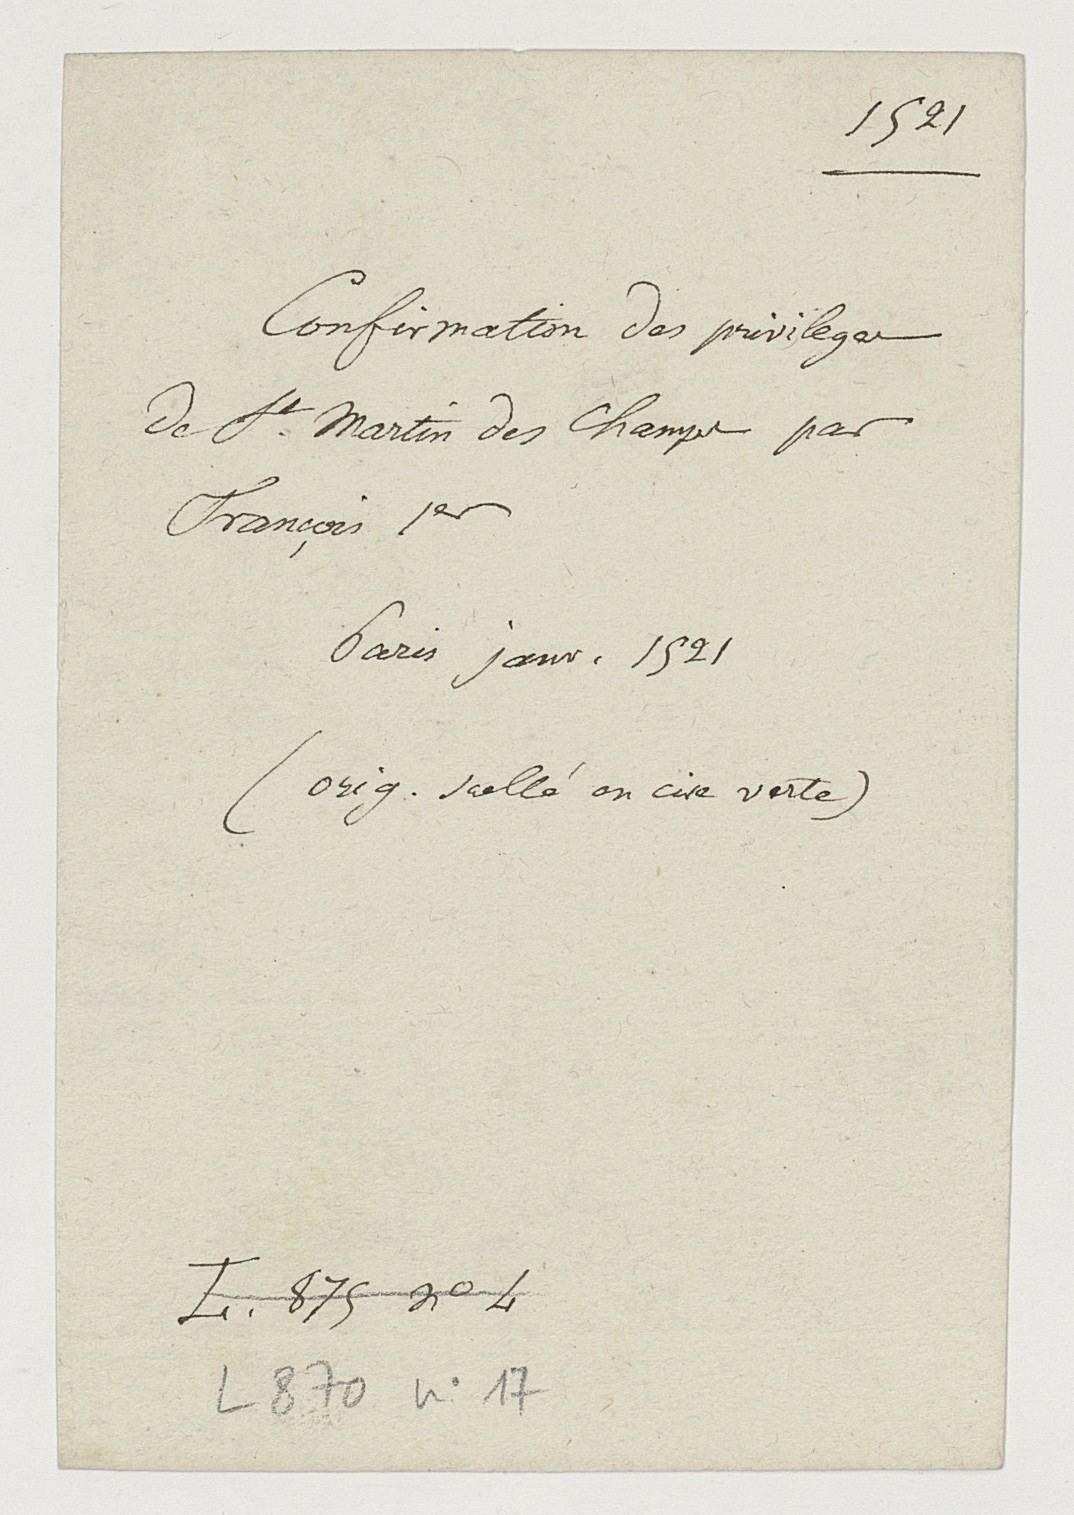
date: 1521
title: Confirmation des privilèges de Saint-Martin des Champs par François Ier
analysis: Paris janvier 1521
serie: L
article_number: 870
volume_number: n° 17
